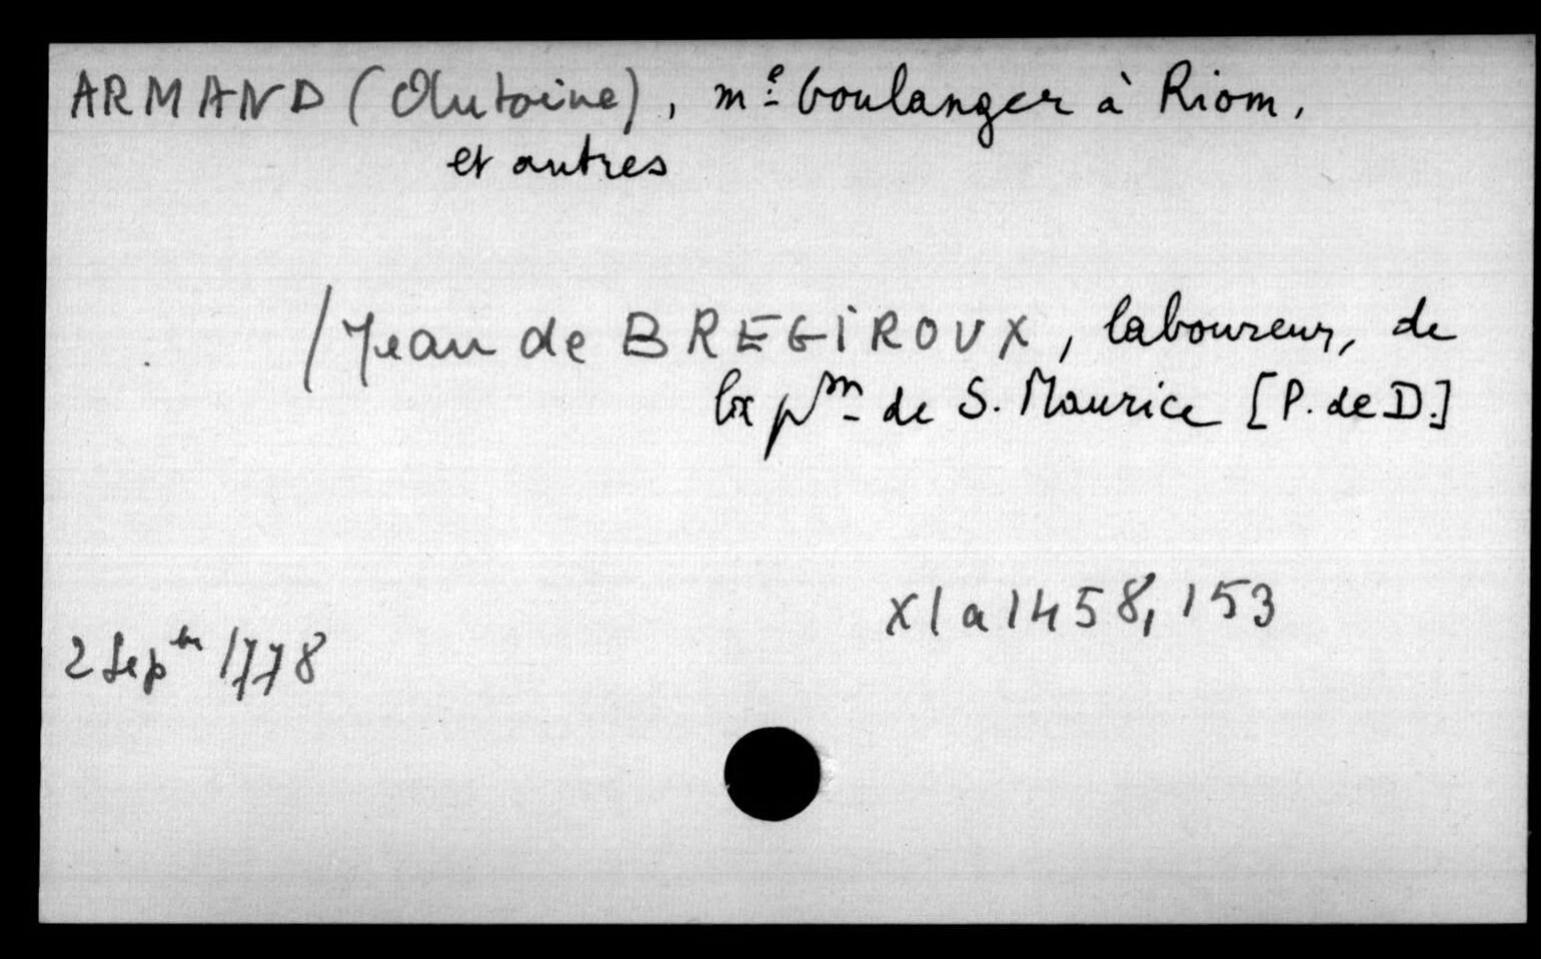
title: ARMAND (Antoine), maître boulanger à Riom, et autres
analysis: Contre Jean de BREGIROUX, laboureur, de la paroisse de Saint-Maurice [Puy-de-Dôme]
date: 2 septembre 1778
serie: X1A
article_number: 1458
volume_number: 153
